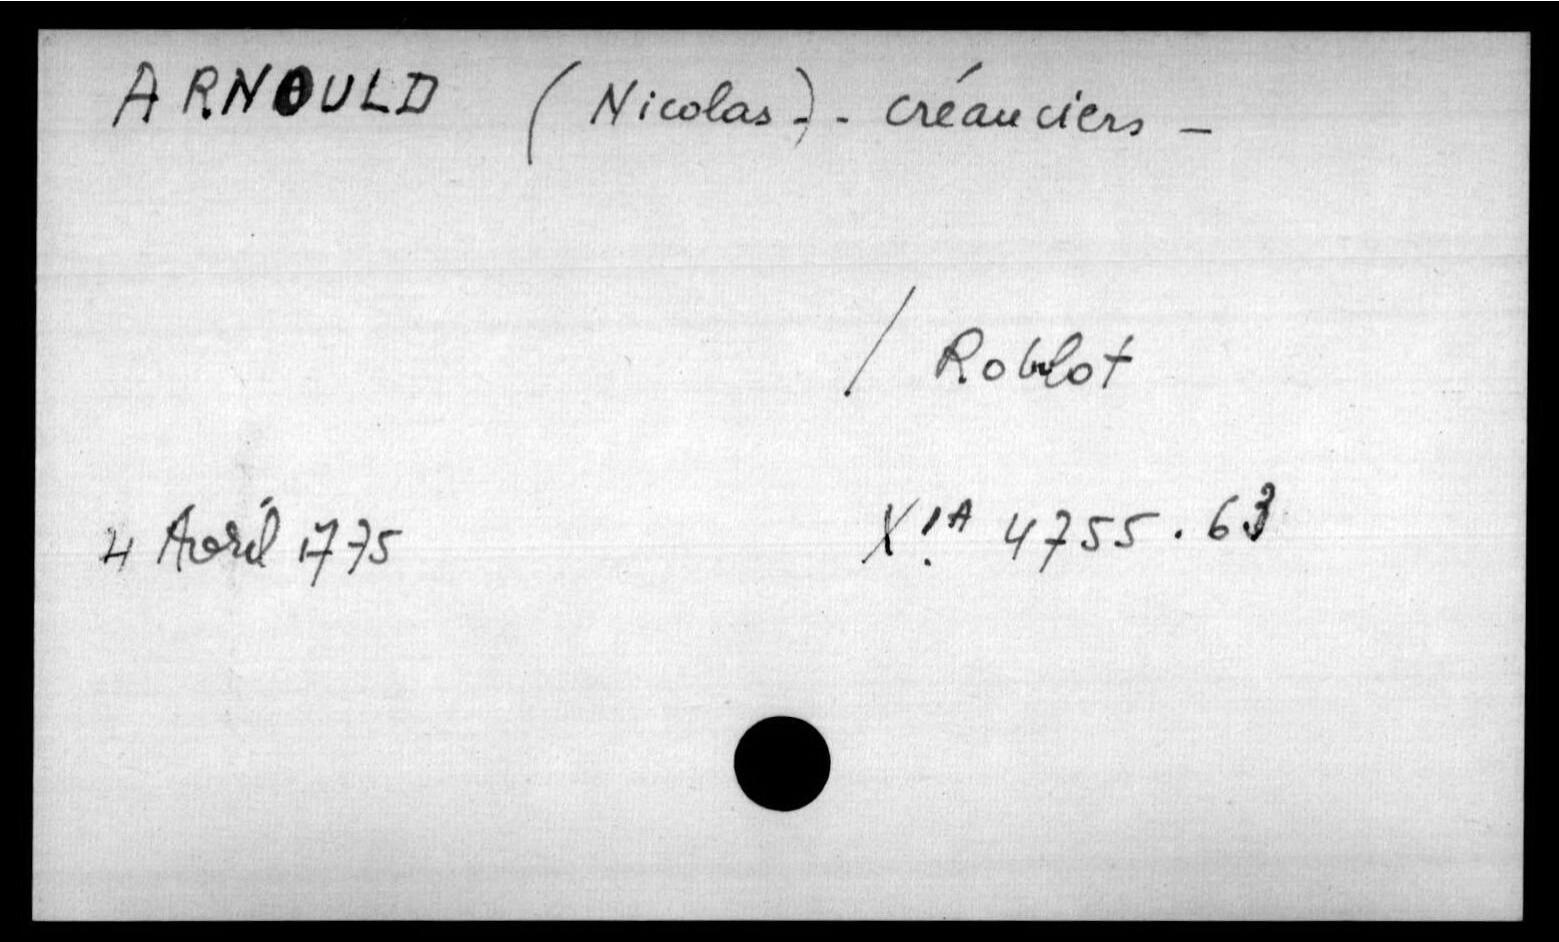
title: ARNOULD (Nicolas) créanciers
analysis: Contre Robelot
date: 4 avril 1
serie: X1A
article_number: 4755
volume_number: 63
